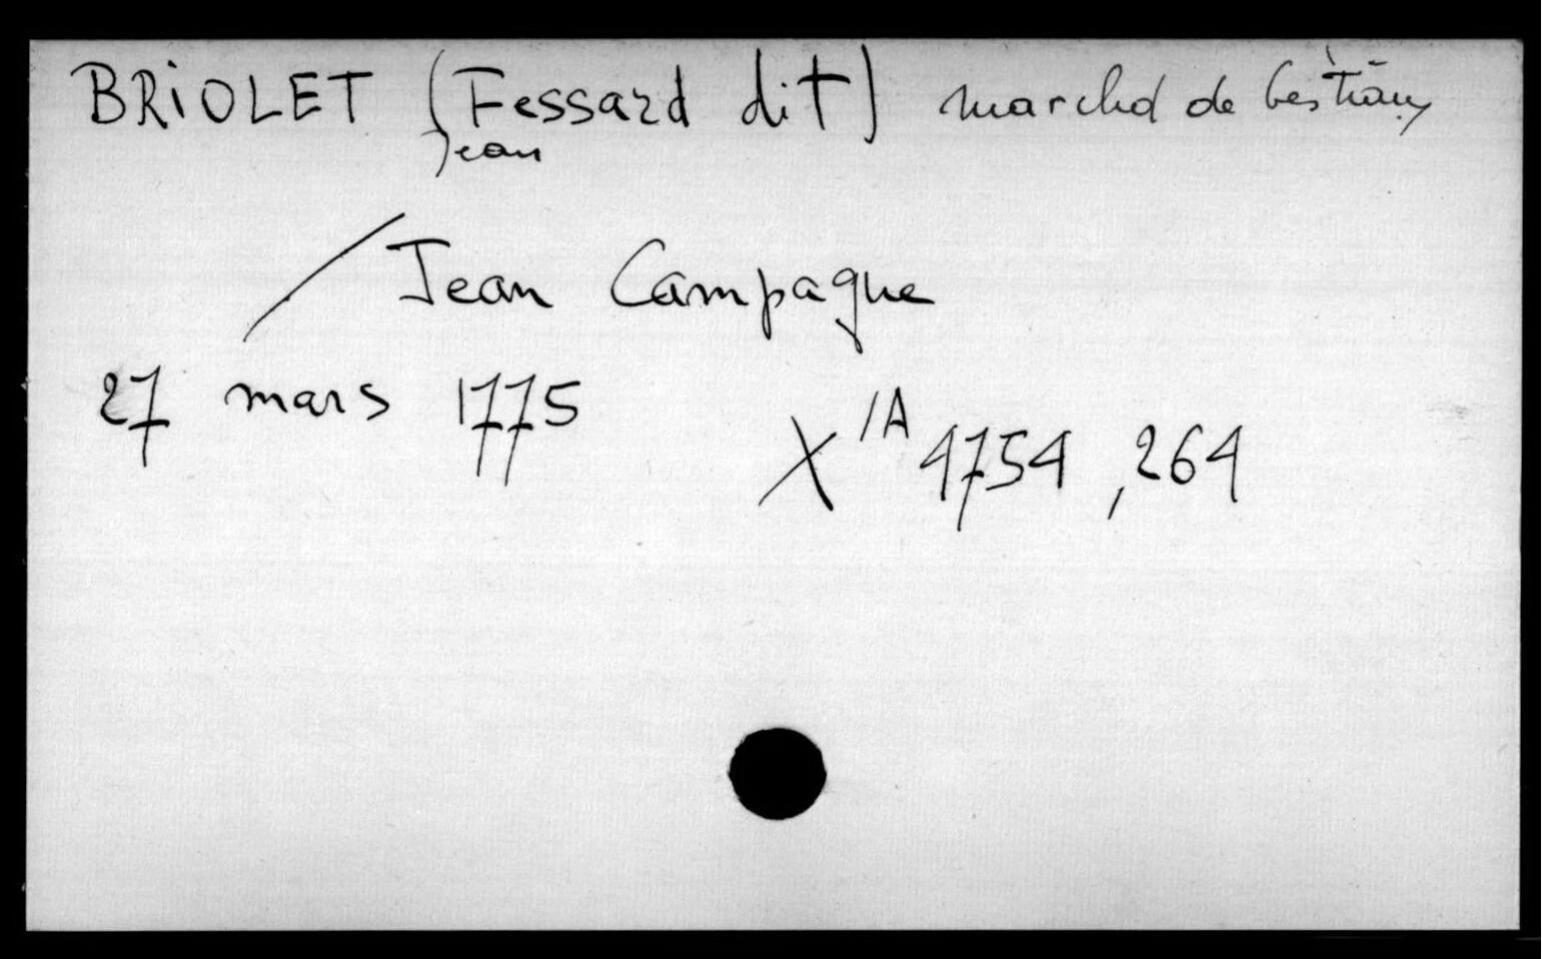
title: BRIOLET (Fessard dit), Jean, marchand de bestiaux
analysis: Contre Jean Campagne
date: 27 mars 1775
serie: X1A
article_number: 4754
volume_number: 264
